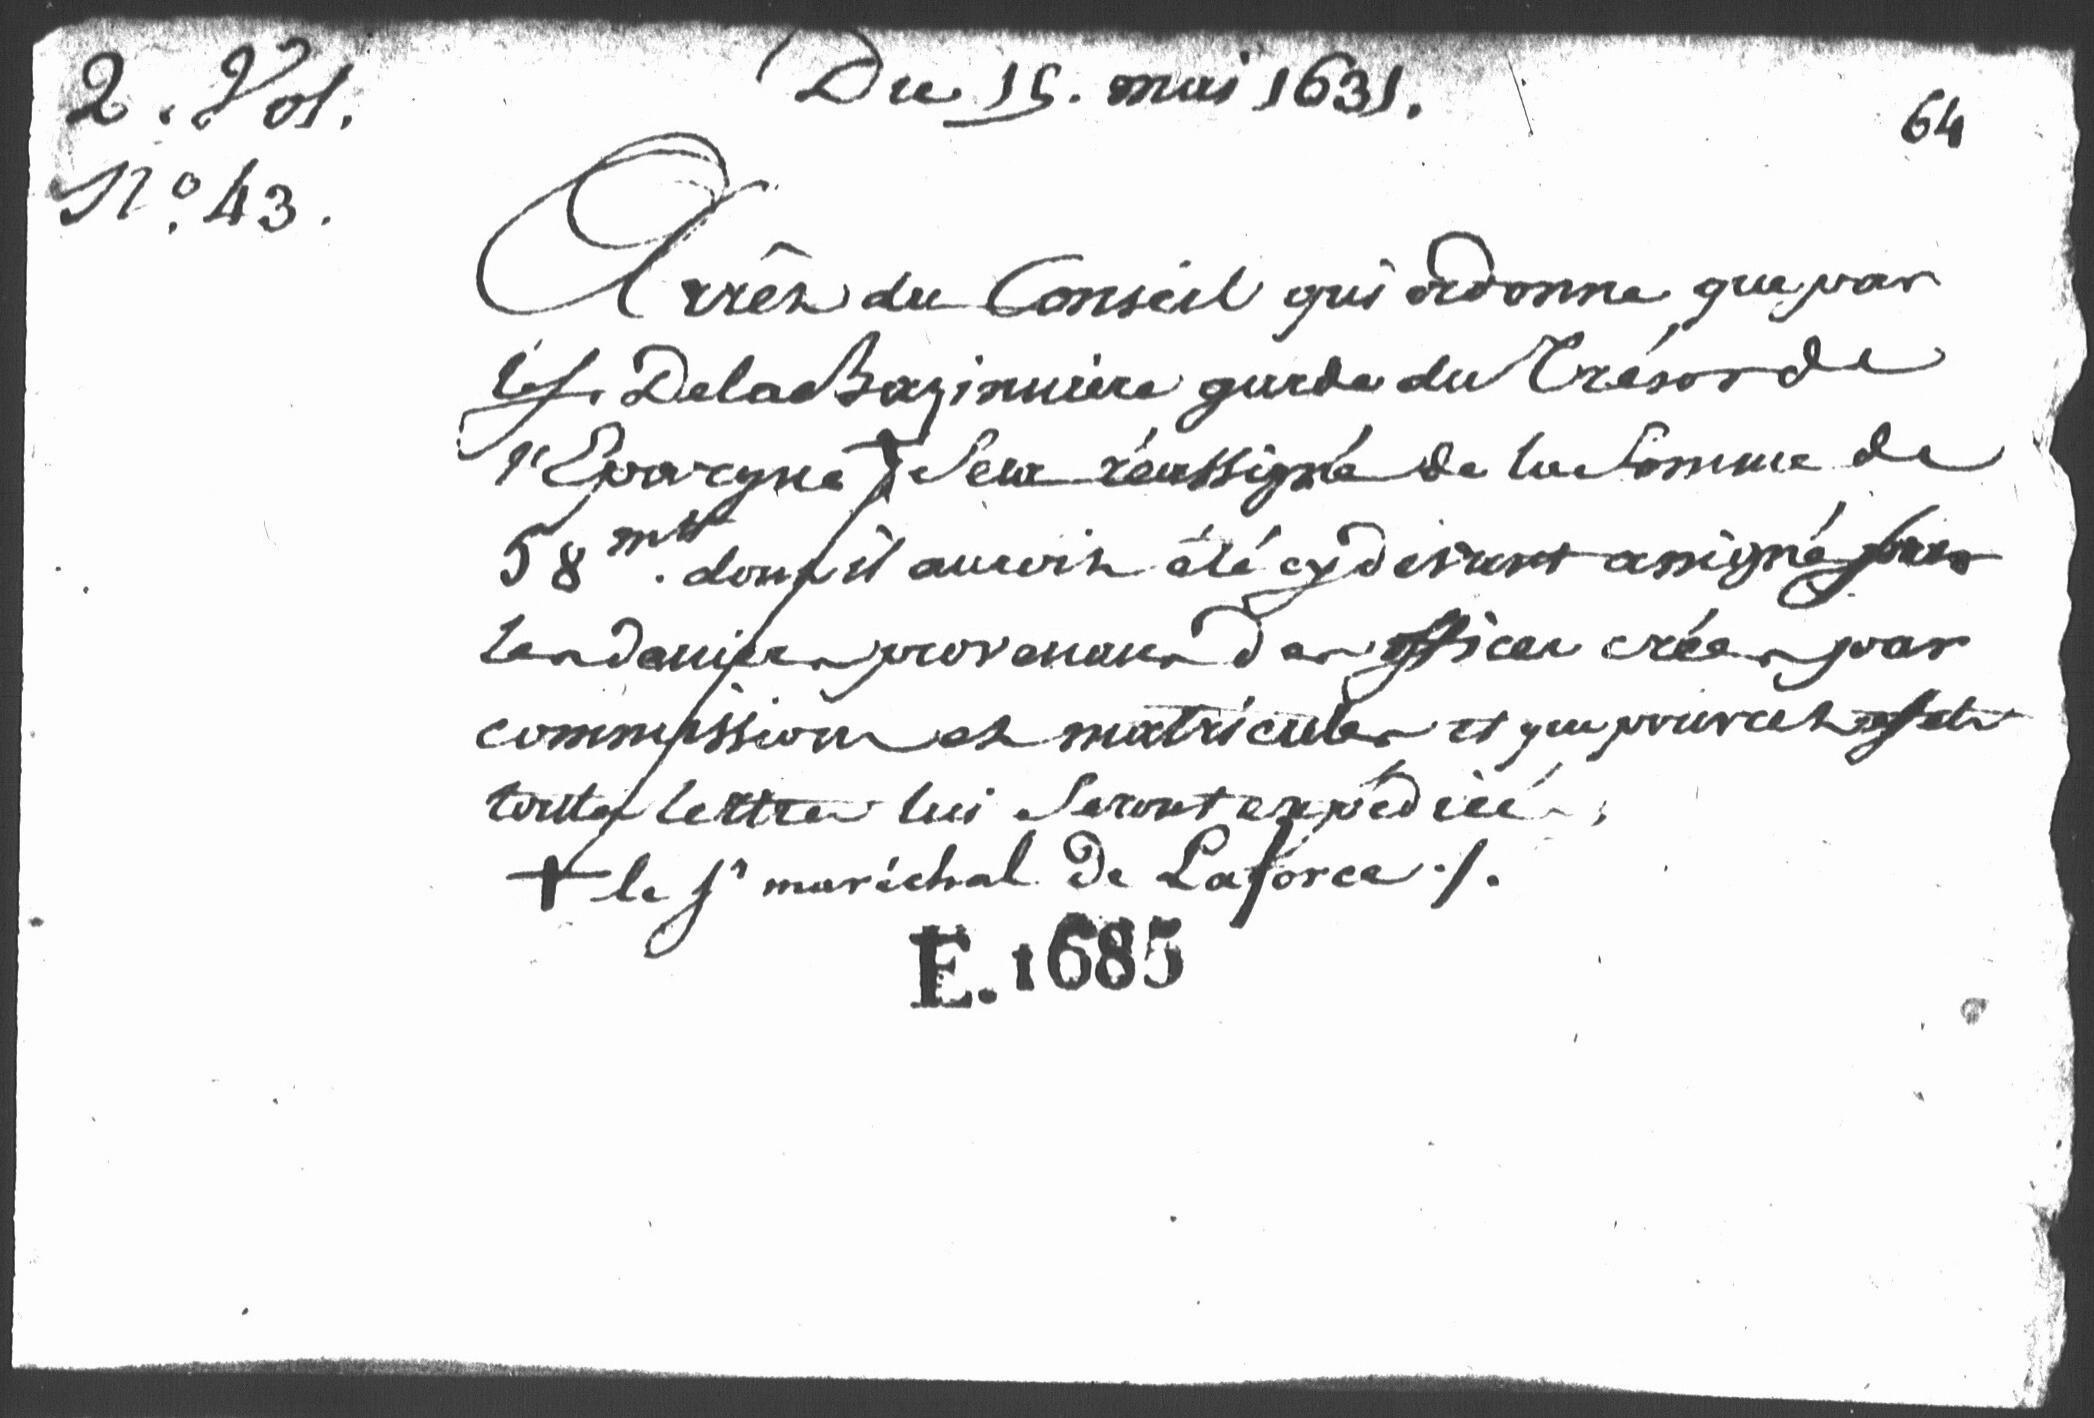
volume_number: n°43
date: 15 mai 1631
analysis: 64
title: Arrêt du Conseil qui ordonne que par le S. De la Bazinniere garde du Trésor de l'Epargne le Sr maréchal de Laforce sera réassigné de la somme de 58 m.# dont il auroit été cydevant assigné sur les deniers provenans des offices crées par commissions et matricules et que pour cet effet toutes lettres lui seront expédiées
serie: E
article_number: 1685
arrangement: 2. vol.
